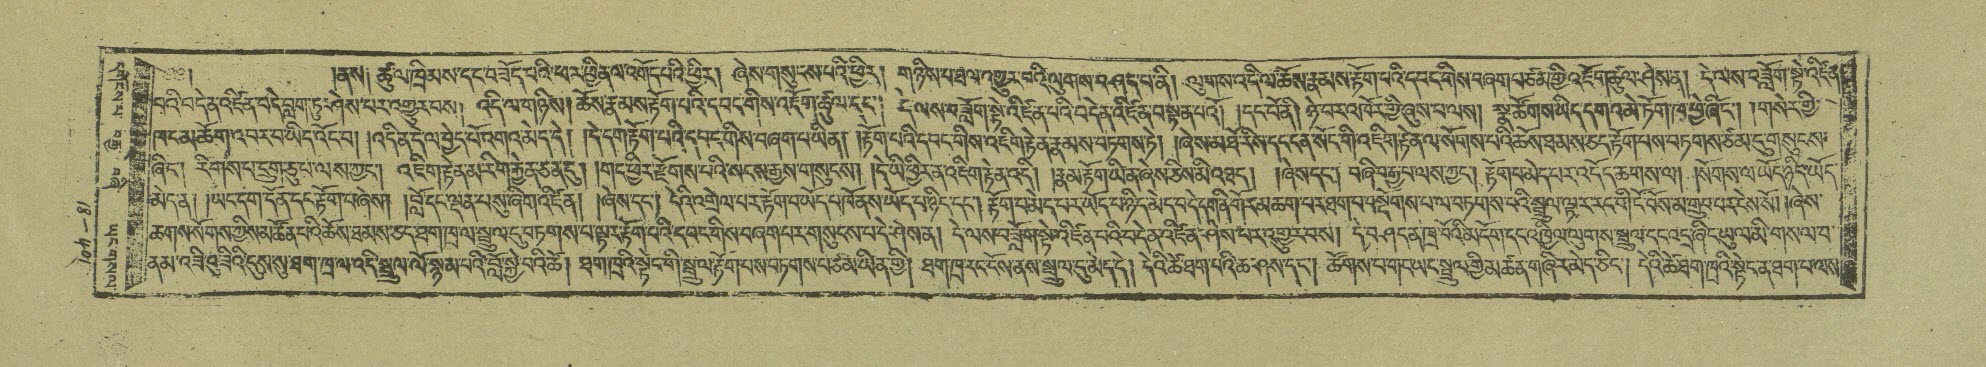༄༅། །ནས། ཚུལ་ཁྲིམས་དང་བཟོད་པའི་ཕར་ཕྱིན་ལ་འགོད་པའི་ཕྱིར། ཞེས་གསུངས་པའི་ཕྱིར། གཉིས་པ་ཐལ་འགྱུར་བའི་ལུགས་བཤད་པ་ནི། ལུགས་འདི་ལ་ཆོས་རྣམས་རྟོག་པའི་དབང་གིས་བཞག་པ་ཙམ་གྱི་འཇོག་ཚུལ་ཤེས་ན། དེ་ལས་བཟློག་སྟེ་འཛིན་
བའི་བདེན་འཛིན་བདེ་བླག་ཏུ་ཤེས་པར་འགྱུར་བས། འདི་ལ་གཉིས། ཆོས་རྣམས་རྟོག་པའི་དབང་གིས་འཇོག་ཚུལ་དང་། དེ་ལས་བཟློག་སྟེ་འཛིན་པའི་བདེན་འཛིན་བསྟན་པའོ། །དང་པོ་ནི། ཉེ་བར་འཁོར་གྱི་ཞུས་པ་ལས། སྣ་ཚོགས་ཡིད་དགའ་མེ་ཏོག་ཁ་ཕྱེ་ཞིང་། །གསེར་གྱི་
ཁང་མཆོག་འབར་བ་ཡིད་འོང་བ། །འདི་ན་དེ་ལ་བྱེད་པོ་འགའ་མེད་དེ། །དེ་དག་རྟོག་པའི་དབང་གིས་བཞག་པ་ཡིན། །རྟོག་པའི་དབང་གིས་འཇིག་རྟེན་རྣམས་བཏགས་ཏེ། །ཞེས་མཐོ་རིས་དང་ངན་སོང་གི་འཇིག་རྟེན་ལ་སོགས་པའི་ཆོས་ཐམས་ཅད་རྟོག་པས་བཏགས་ཙམ་དུ་གསུངས་
ཞིག། རིགས་པ་དྲུག་ཅུ་པ་ལས་ཀྱང་། འཇིག་རྟེན་མ་རིག་རྐྱེན་ཅན་དུ། །གང་ཕྱིར་རྫོགས་པའི་སངས་རྒྱས་གསུངས། །དེ་ཡི་ཕྱིར་ན་འཇིག་རྟེན་འདི། །རྣམ་རྟོག་ཡིན་ཞེས་ཅིས་མི་འཐད། །ཞེས་དང་། བཞི་བརྒྱ་པ་ལས་ཀྱང་། རྟོག་པ་མེད་པར་འདོད་ཆགས་ལ། །སོགས་ལ་ཡོད་ཉིད་ཡོད་
མེད་ན། །ཡང་དག་དོན་དང་རྟོག་པ་ཞེས། །བློ་དང་ལྡན་པ་སུ་ཞིག་འཛིན། །ཞེས་དང་། དེའི་འགྲེལ་བར་རྟོག་པ་ཡོད་པ་ཁོ་ནས་ཧ་སྙད་ཀྱི་དབང་ཨོག་པ་མེད་པར་ཡོད་པ་ཉིད་མེད་པ་དེ་དག་ན་གོར་མ་ཆག་པར་ཐག་པ་བསྡོགས་པ་ལ་བཏགས་པའི་སྤྲུལ་ལྟར་རང་གི་ངོ་བོས་མ་གྲུབ་པར་ངེས་སོ། །ཞེས་
ཆགས་སོགས་ཀྱིས་མཚོན་པའི་ཆོས་ཐམས་ཅད་ཐག་ཁྲ་ལ་སྤྲུལ་དུ་བཏགས་བ་ལྟར་རྟོག་པའི་དབང་གིས་བཞག་པར་གསུངས་པ་དེ་ཤེས་ན། དེ་ལས་བཟློག་སྟེ་འཛིན་པའི་བདེན་འཛིན་ཤེས་པར་འགྱུར་བས། དེ་བཤད་ན་ཁྲ་བོའི་མདོག་དང་འཁྱིལ་ལུགས་སྤྲུལ་དང་འདྲ་ཞིང་ཡུལ་མི་གསལ་བ་
ནམ་འྯི་འུ་ཟིའི་དུས་སུ་ཐག་ཁྲ་ལ་འདི་སྤྲུལ་ལོ་སྙམ་པའི་བློ་སྐྱེ་བའི་ཚེ། ཐག་ཁྲའི་སྟེང་གི་སྤྲུལ་རྟོག་པས་བཏགས་པ་ཙམ་ཡིན་གྱི། ཐག་ཁྲ་རང་ངོས་ནས་སྤྲུལ་དུ་མེད་དེ། དེའི་ཆོ་ཐག་པའི་ཆ་ཤས་དང་། ཚོགས་པ་གང་ཡང་སྦྲུལ་གྱི་མཚན་གཞིར་མེད་ཅིང་། དེའི་ཚེ་ཐག་ཁྲའི་སྟེང་ན་ཐག་པ་ལས་